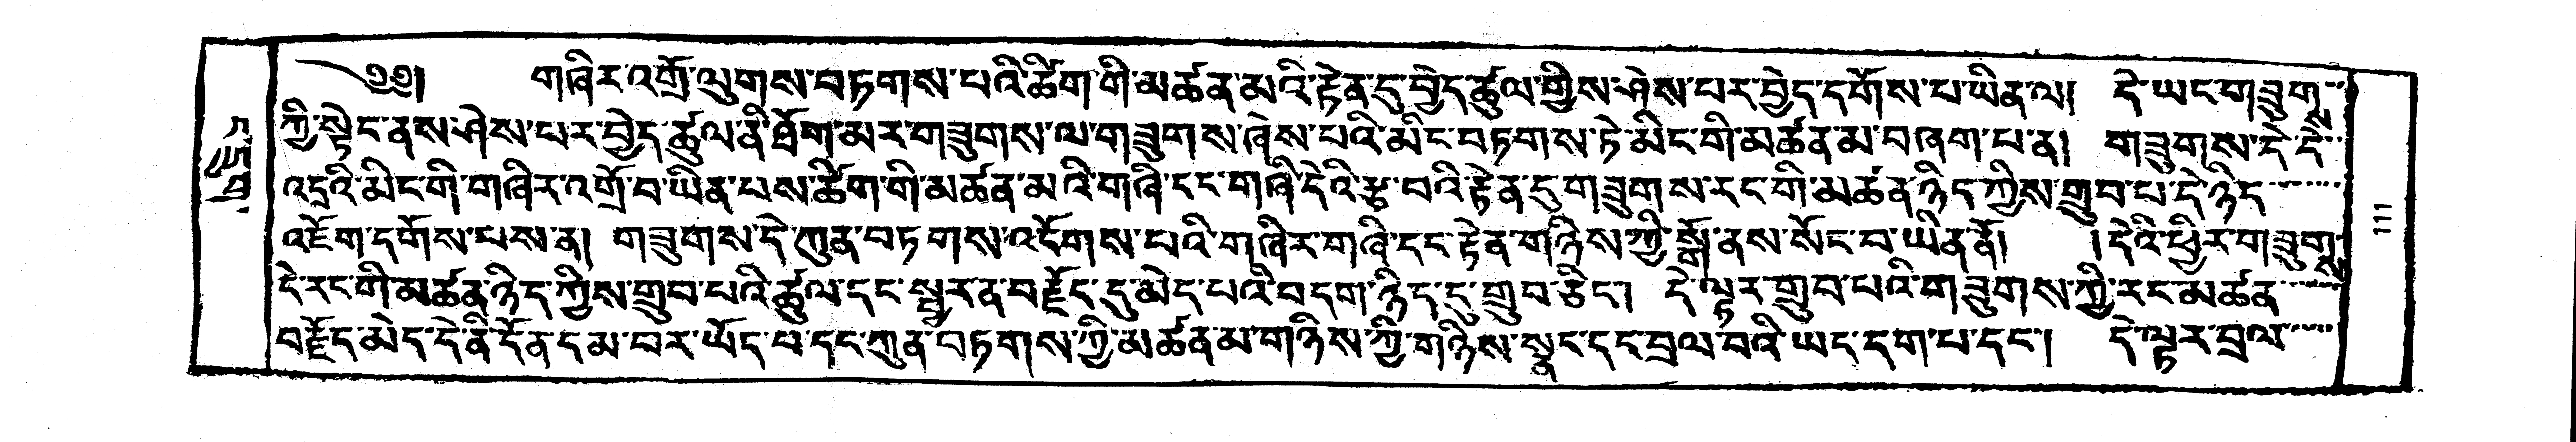༄༅། །གཞིར་འགྲོ་ལུགས་བཏགས་པའི་ཚིག་གི་མཚན་མའི་རྟེན་དུ་བྱེད་ཚུལ་གྱིས་ཤེས་པར་བྱེད་དགོས་པ་ཡིན་ལ། དེ་ཡང་གཟུགས་
ཀྱི་སྟེང་ནས་ཤེས་པར་བྱེད་ཚུལ་ནི་ཐོག་མར་གཟུགས་ལ་གཟུགས་ཞེས་པའི་མིང་བཏགས་ཏེ་མིང་གི་མཚན་མ་བཞག་པ་ན། གཟུགས་དེ་དེ་
འདྲའི་མིང་གི་གཞིར་འགྲོ་བ་ཡིན་པས་ཚིག་གི་མཚན་མའི་གཞི་དང་གཞི་དེའི་རྩ་བའི་རྟེན་དུ་གཟུགས་རང་གི་མཚན་ཉིད་ཀྱིས་གྲུབ་པ་དེ་ཉིད་
འཇོག་དགོས་པས་ན། གཟུགས་དེ་ཀུན་བཏགས་འདོགས་པའི་གཞིར་གཞི་དང་རྟེན་གཉིས་ཀྱི་སྒོ་ནས་སོང་བ་ཡིན་ནོ། །དེའི་ཕྱིར་གཟུགས་
དེ་རང་གི་མཚན་ཉིད་ཀྱིས་གྲུབ་པའི་ཚུལ་དང་སྦྱར་ན་བརྗོད་དུ་མེད་པའི་བདག་ཉིད་དུ་གྲུབ་ཅིང་། དེ་ལྟར་གྲུབ་པའི་གཟུགས་ཀྱི་རང་མཚན་
བརྗོད་མེད་དེ་ནི་དོན་དམ་པར་ཡོད་པ་དང་ཀུན་བཏགས་ཀྱི་མཚན་མ་གཉིས་ཀྱི་གཉིས་སྣང་དང་བྲལ་བའི་ཡང་དག་པ་དང་། དེ་ལྟར་བྲལ་